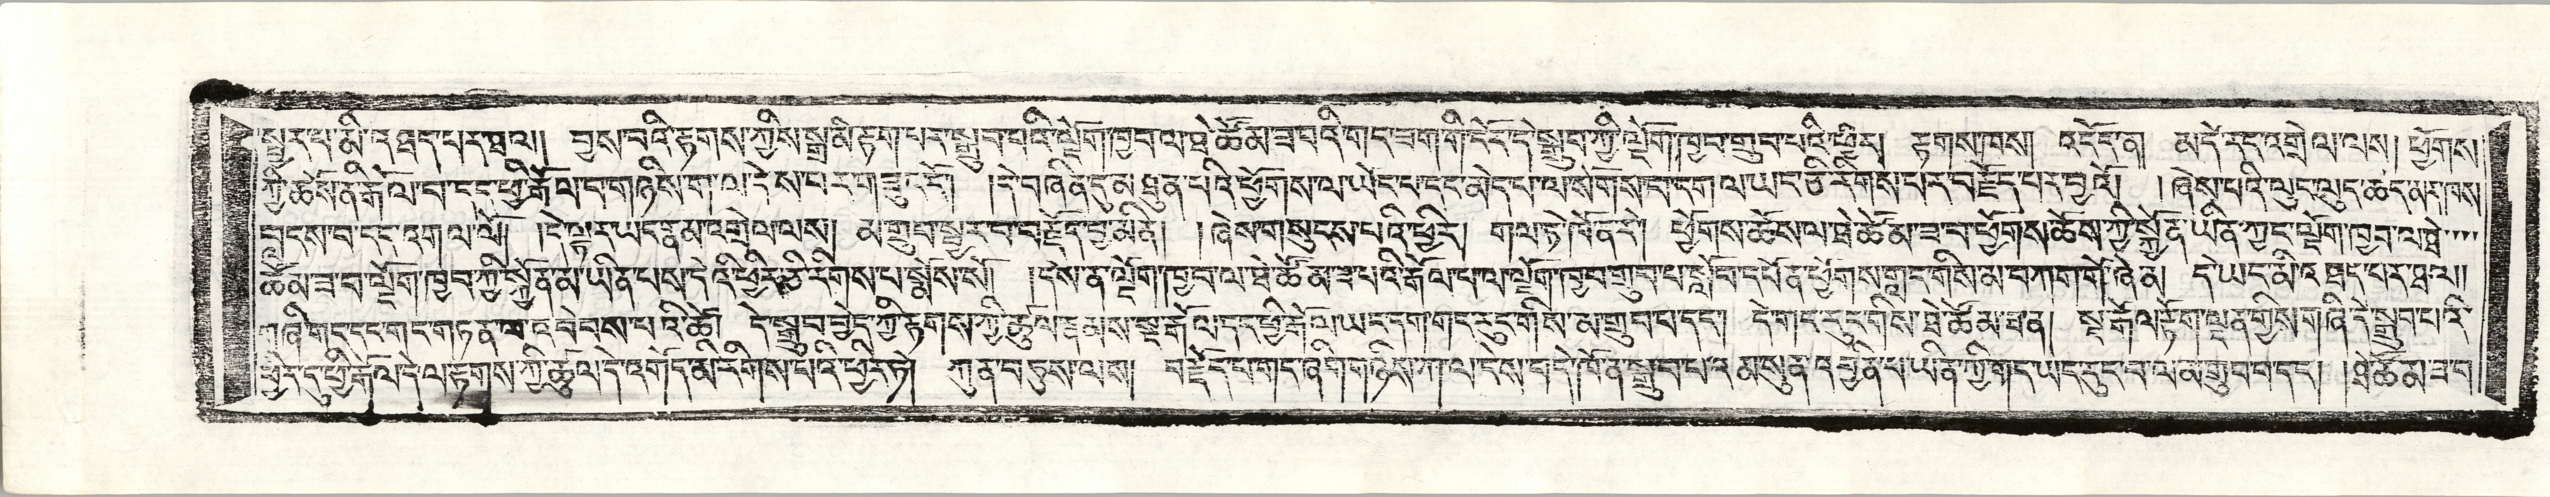སྦྱར་བ་མི་འཐད་པར་ཐལ། བྱས་པའི་རྟགས་ཀྱིས་སྒྲ་མི་རྟག་པར་སྒྲུབ་པའི་ལྡོག་ཁྱབ་ལ་ཐེ་ཚོམ་ཟ་བའི་གང་ཟག་གི་ངོར་དེ་སྒྲུབ་ཀྱི་ལྡོག་ཁྱབ་གྲུབ་པའི་ཕྱིར། རྟགས་ཁས། འདོད་ན། མདོ་རང་འགྲེལ་ལས། ཕྱོགས་
ཀྱི་ཆོས་ནི་རྒོལ་བ་དང་ཕྱི་རྒོལ་བ་གཉི་ག་ལ་ངེས་བར་གཟུང་ངོ། །དེ་བཞིན་དུ་མཐུན་པའི་ཕྱོགས་ལ་ཡོད་པ་དང་མེད་པ་ལ་སོགས་པ་དག་ལ་ཡང་ཅི་རིགས་པར་བརྗོད་པར་བྱའོ། །ཞེས་པའི་ལུང་ལུང་ཚད་མར་ཁས་
བླངས་པ་དང་འགལ་ལོ། །དེ་ལྟར་ཡང་རྣམ་འགྲེལ་ལས། མ་གྲུབ་སྦྱར་བ་བརྗོད་བྱ་མིན། །ཞེས་གསུངས་པའི་ཕྱིར། གལ་ཏེ་ཁོ་ན་རེ། ཕྱོགས་ཆོས་ལ་ཐེ་ཚོམ་ཟ་བ་ཕྱོགས་ཆོས་ཀྱི་སྐྱོན་ཡིན་ཀྱང་ལྡོག་ཁྱབ་ལ་ཐེ་
ཚོམ་ཟ་བ་ལྡོག་ཁྱབ་ཀྱི་སྐྱོན་མ་ཡིན་པས་དེའི་ཕྱིར་ཅི་རིགས་པ་སྨྲས་སོ། །དེས་ན་ལྡོག་ཁྱབ་ལ་ཐེ་ཚོམ་ཟ་བའི་རྒོལ་བ་ལ་ལྡོག་ཁྱབ་གྲུབ་པ་སློབ་དཔོན་ཕྱོགས་གླང་གིས་མ་བཀག་གོ་ཞེ་ན། དེ་ཡང་མི་འཐད་པར་ཐལ།
གཞི་གང་དང་གང་གཏན་ལ་འབེབས་པའི་ཚེ། དེ་སྒྲུབ་བྱེད་ཀྱི་རྟགས་ཀྱི་ཚུལ་རྣམས་སྔ་རྒོལ་དང་ཕྱི་རྒོལ་ཡང་དག་གང་རུང་གིས་མ་གྲུབ་པ་དང་། དེ་གང་རུང་གིས་ཐེ་ཚོམ་ཟ་ན། སྔ་རྒོལ་རྟོག་ལྡན་གྱིས་གཞི་དེ་སྒྲུབ་པའི་
ཕྱིར་དུ་ཕྱི་རྒོལ་དེ་ལ་རྟགས་ཀྱི་ཚུལ་དེ་འགོད་མི་རིགས་པའི་ཕྱིར་ཏེ། ཀུན་བཏུས་ལས། བརྗོད་པ་གང་ཞིག་གཉིས་ཀ་ལ་ངེས་པ་དེ་ཁོ་ན་སྒྲུབ་པའམ་སུན་འབྱིན་པ་ཡིན་གྱི་གང་ཡང་རུང་བ་ལ་མ་གྲུབ་པ་དང་། །ཐེ་ཚོམ་ཟ་བ་